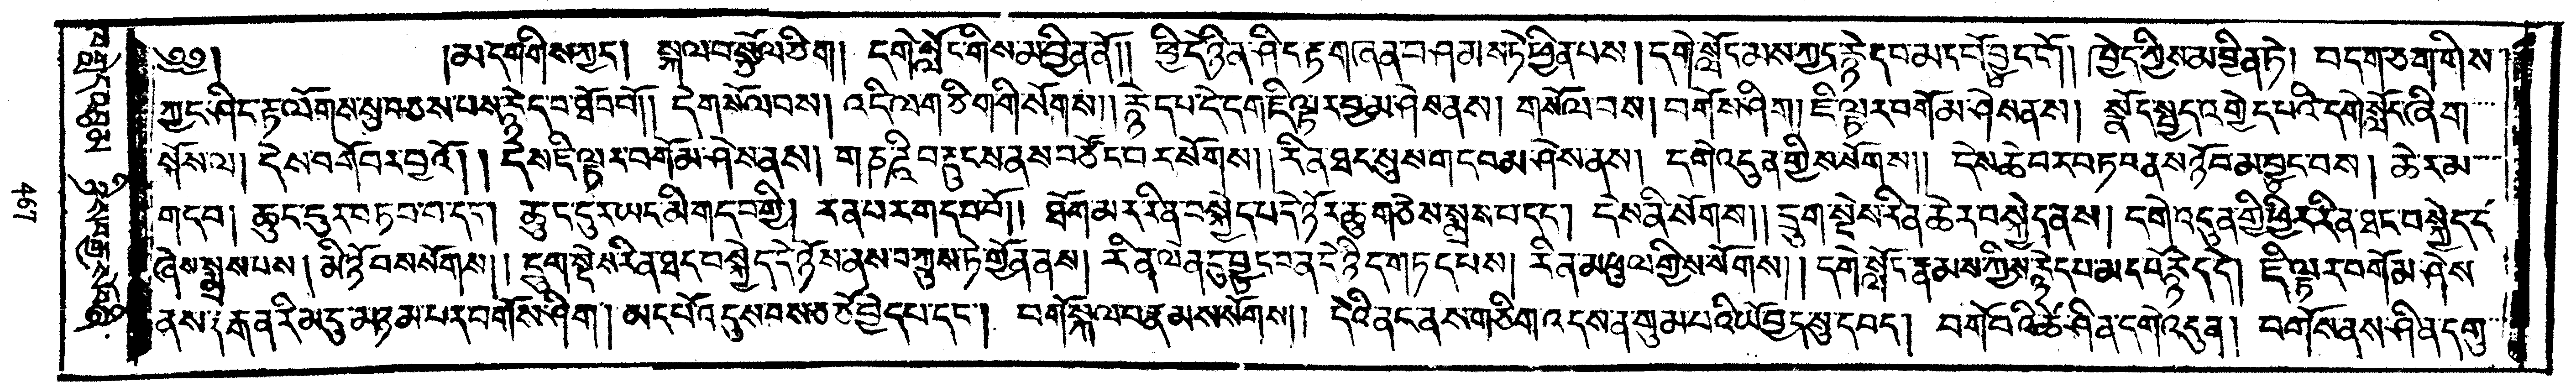༄༅། །མ་དག་གིས་ཀྱང་། སྐལ་བ་སྩོལ་ཅིག། དགེ་སློང་གིས་མ་བྱིན་ནོ།། ཕྱི་དེ་ཉིན་ཤིང་རྟ་གཞན་བཤམས་ཏེ་ཕྱིན་པས། དགེ་སློང་མས་ཀྱང་རྙེད་བ་མང་པོ་བྱུང་ངོ།། ཁྱེད་ཀྱིས་མ་བྱིན་ཏེ། བདག་ཅག་གིས་
ཀྱང་ཤིང་རྟ་ལོགས་སུ་བཅས་པས་རྙེད་པ་ཐོབ་བོ།། དེ་གསོལ་བས། འདི་ལ་གཅིག་གི་སོགས། །རྙེད་པ་དེ་དག་ཇི་ལྟར་བྱམ་ཤེས་ནས། གསོལ་བས། བགོས་ཤིག། ཇི་ལྟར་བགོམ་ཤེས་ནས། སྣོད་སྤྱད་འགྱེད་པའི་དགེ་སློང་ཞིག་
སྐོས་ལ། དེས་བགོ་བར་བྱའོ། །དེས་ཇི་ལྟར་བགོམ་ཤེས་ནས། གཎ་ཌཱི་བརྡུངས་ནས་བཙོང་བར་སོགས། །རིན་ཐང་སུས་གདབ་མ་ཤེས་ནས། དགེ་འདུན་གྱིས་སོགས།། དེས་ཆེ་བར་བཏབ་ནས་ཉོབ་མ་བྱུང་བས། ཆེར་མ་
གདབ། ཆུང་ངུར་བཏབ་བ་དང་། ཆུང་ངུར་ཡང་མི་གདབ་གྱི། རན་པར་གདབ་བོ།། ཐོག་མར་རིན་བསྐྱེད་པ་དེ་ཉོར་ཆུ་གཅེས་སྨྲས་པ་དང་། དེས་ནི་སོགས།། དྲུག་སྡེས་རིན་ཆེར་བསྐྱེད་ནས། དགེ་འདུན་གྱི་ཕྱིར་རིན་ཐང་བསྐྱེད་དེ་
ཞེས་སྨྲས་པས། མི་ཉོ་བས་སོགས། །དྲུག་སྡེས་རིན་ཐད་བསྐྱེད་དེ་ཉོས་ནས་བཀྲུས་ཏེ་གྱོན་ནས། རིན་ལན་དུ་བྱུང་བ་ན་དེ་ཉིད་གཏད་པས། རིན་མ་ཕུལ་གྱིས་སོགས།། དགེ་སློང་རྣམས་ཀྱིས་རྙེད་པ་མང་པོ་རྙེད་དེ། ཇི་ལྟར་བགོམ་ཤེས་
ནས༑ རྒན་རིམ་དུ་མཉམ་པར་བགོས་ཤིག། མང་པོ་འདུས་བས་ཅ་ཅོ་བྱེད་པ་དང་། བགོ་སྐལ་བ་རྣམས་སོགས།། དེའི་ནང་ནས་གཅིག་འདས་ན་གུམ་པའི་ཡོ་བྱད་སུ་དབང་། བགོ་བའི་ཚེ་ཤིན་དགེ་འདུན། བགོས་ནས་ཤིན་དགུ་